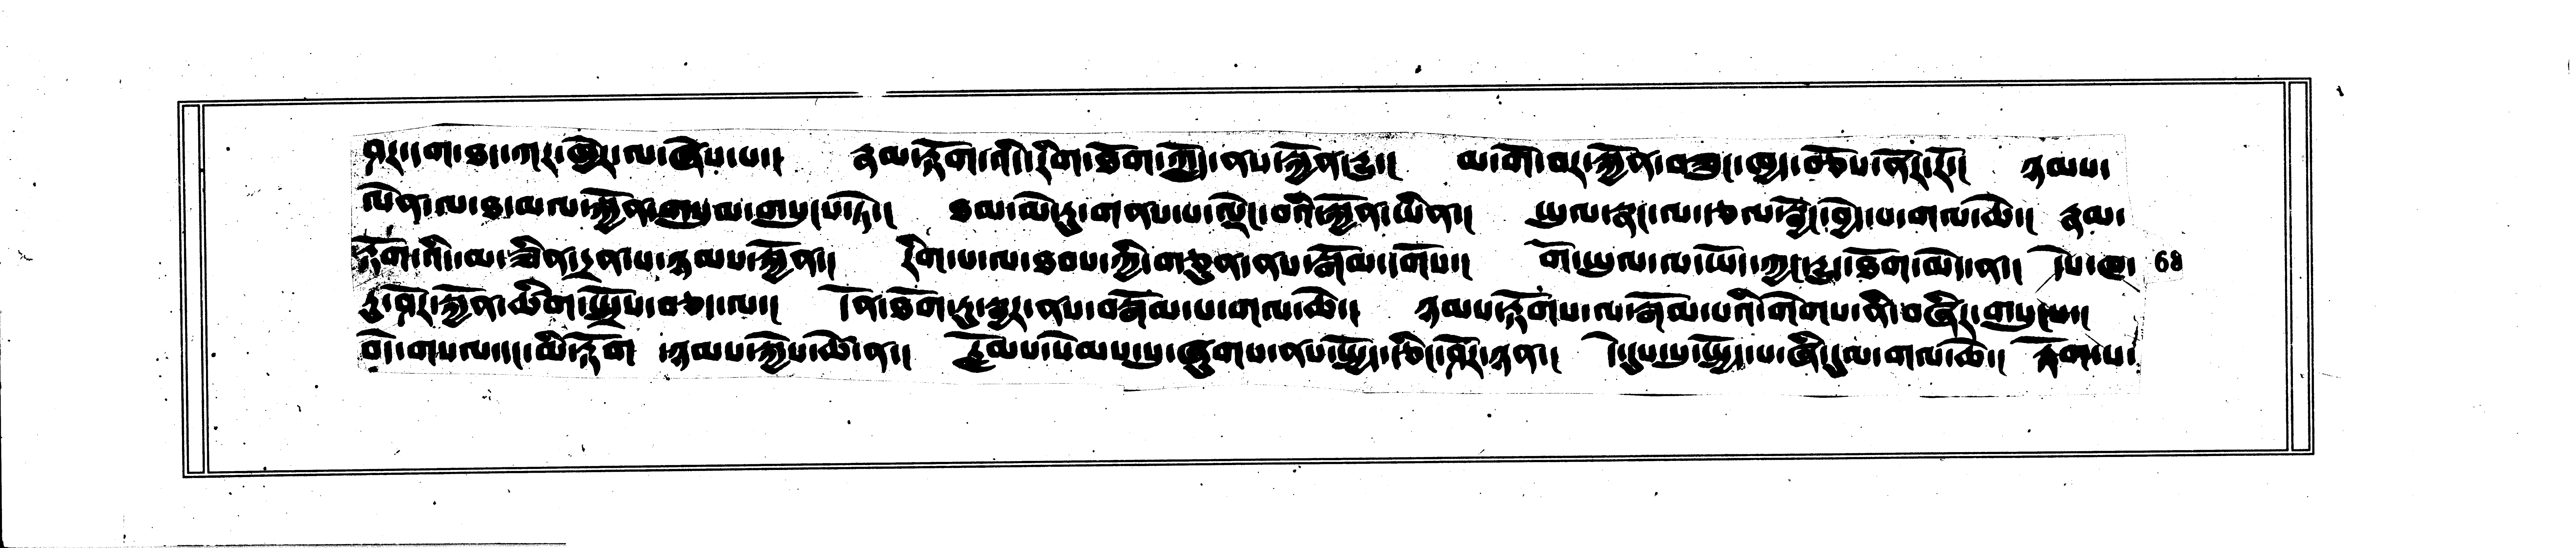ཤར་དག་ཐད་ཀར་འཁྱེར་ལ་ཞེས་པ། །རྣམ་རྟོག་འདི་རིག་ཐོག་ཀློད་ནས་སྐྱོང་རྒྱུ། །མ་གོ་བར་སྐྱོན་བཟུང་ཁྱད་བཅོས་ནོར་རོ། །ཉམས་
ལེན་ལ་ཐ་མལ་སྐྱོན་གསུམ་གསུངས་ཏེ། །ཐམ་མེ་རུ་གནས་པ་ལྡིང་བའི་སྐྱོན་ཡིན། །ཡུལ་སྣང་ལ་རྩལ་སྦྱོང་བྱེད་པ་གལ་ཆེ། །རྣམ་
རྟོག་འདི་མ་ཟིན་དྲན་པ་ཉམས་སྐྱོན། །རིག་པ་ལ་ཐབས་ཀྱིས་གཅུན་ནས་བསྒོམ་དགོས། །གོ་ཡུལ་ལ་ཡོད་ཀྱང་རྒྱུད་ཐོག་མེད་ན། །དཔེ་ཁ་
རུ་ཤོར་སྐྱོན་ཚིག་སྤྲོས་བཅད་ལ། །དོན་ཐོག་ཏུ་སྦྱར་ནས་བསྒོམ་པ་གལ་ཆེ། །ཉམས་རྟོགས་ལ་བསྒོམ་པའི་གེགས་ནི་བཞིར་གསུངས། །
བདེ་གསལ་དང་མི་རྟོག་ཉམས་སྐྱེས་ཚེ་ན། །རློམ་སེམས་སུ་ཞུགས་ནས་སྤྱོད་རྩིང་ཤོར་ཉན། །དེ་དུས་སུ་སྤྱོད་པ་ཞི་དུལ་གལ་ཆེ། །རྟོག་པ་